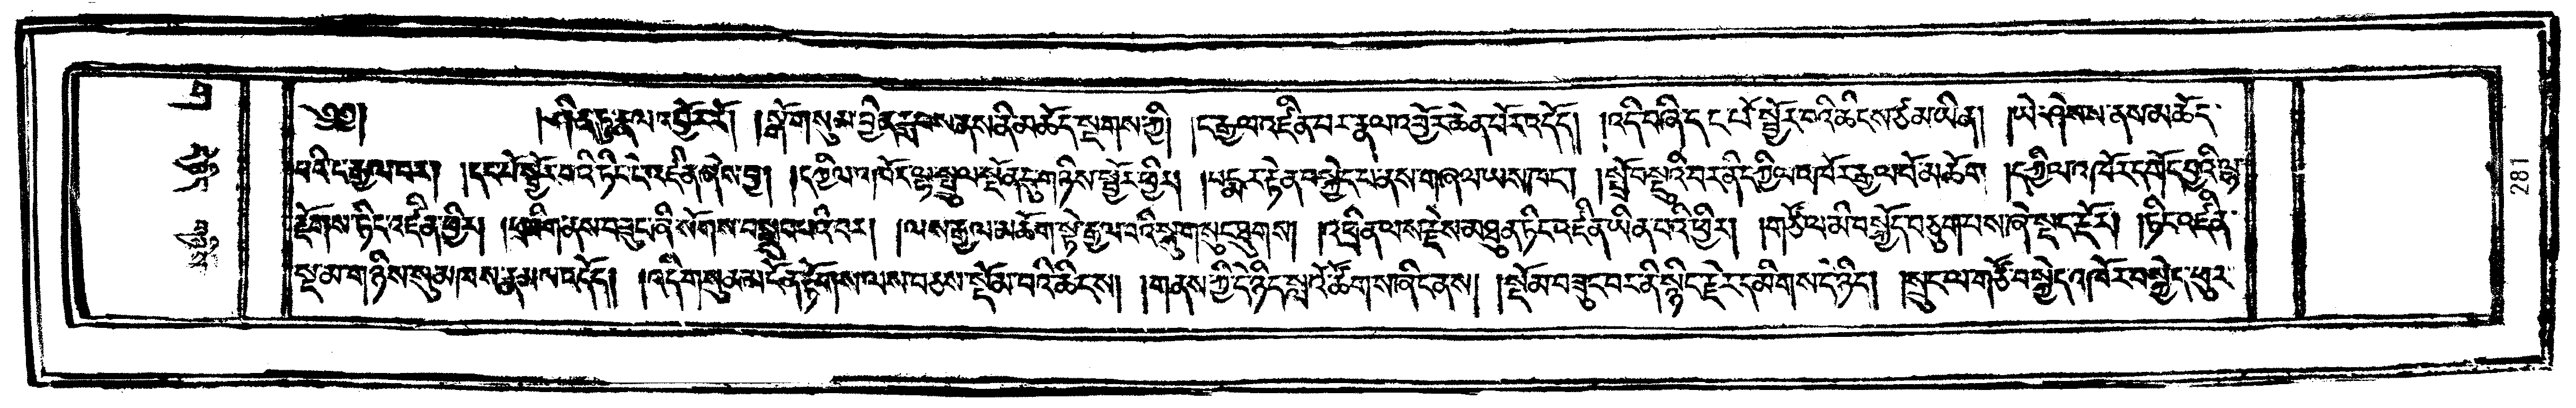༄༅། །ཤིན་ཏུ་རྣལ་འབྱོར་རོ། །སྒོ་གསུམ་བྱིན་རླབས་ནས་ནི་མཆོད་སྔགས་ཀྱི། །ང་རྒྱལ་འཛིན་པར་རྣལ་འབྱོར་ཆེན་པོར་འདོད། །འདི་བཞི་དང་པོ་སྦྱོར་བའི་ཆིངས་ཙམ་ཡིན། །ཡེ་ཤེས་ས་ནས་མཆོད་
པའི་ང་རྒྱལ་བར། །དང་པོ་སྦྱོར་བའི་ཏིང་ངེ་འཛིན་ཞེས་བྱ། །དཀྱིལ་འཁོར་ལྷ་སྤྲུལ་སྔོན་དུ་གཉིས་སྦྱོར་ཕྱིར། །པདམར་རྟེན་བསྐྱེད་པ་ནས་གཞལ་ཡས་ཁང་། །སྤྲོ་བསྡུའི་བར་ནི་དཀྱིལ་འཁོར་རྒྱལ་པོ་མཆོག །དཀྱིལ་འཁོར་དགོད་བྱའི་ལྷ་
རྫོགས་ཏིང་འཛིན་ཕྱིར། །ཕྲ་ཐིག་ནས་བཟུང་ཞི་སོགས་བསྒྲུབ་པའི་བར། །ལས་རྒྱལ་མཆོག་སྟེ་རྒྱལ་བའི་སྐུ་གསུང་ཐུགས། །འཕྲིན་ལས་རྗེས་མཐུན་ཏིང་འཛིན་ཡིན་པའི་ཕྱིར། །གཙོལ་མི་བསྐྱོད་བཅུག་པས་ཞེ་སྡང་རྡོར། །ཏིང་འཛིན་
སྔ་མ་གཉིས་སུ་མཁས་རྣམས་འདོད། །འདི་གསུམ་མངོན་རྟོགས་ལས་བཅས་སྡོམ་པའི་ཆིངས། །གནས་ཀྱི་དེ་ཉིད་སླའོ་ཚོགས་ཞིང་ནས། །སྡོམ་བཟུང་བར་ནི་སྙིང་རྗེར་དམིགས་དེ་ཉིད། །སྲུང་ལ་གཙོ་བསྐྱེད་འཁོར་བསྐྱེད་ཕུར་